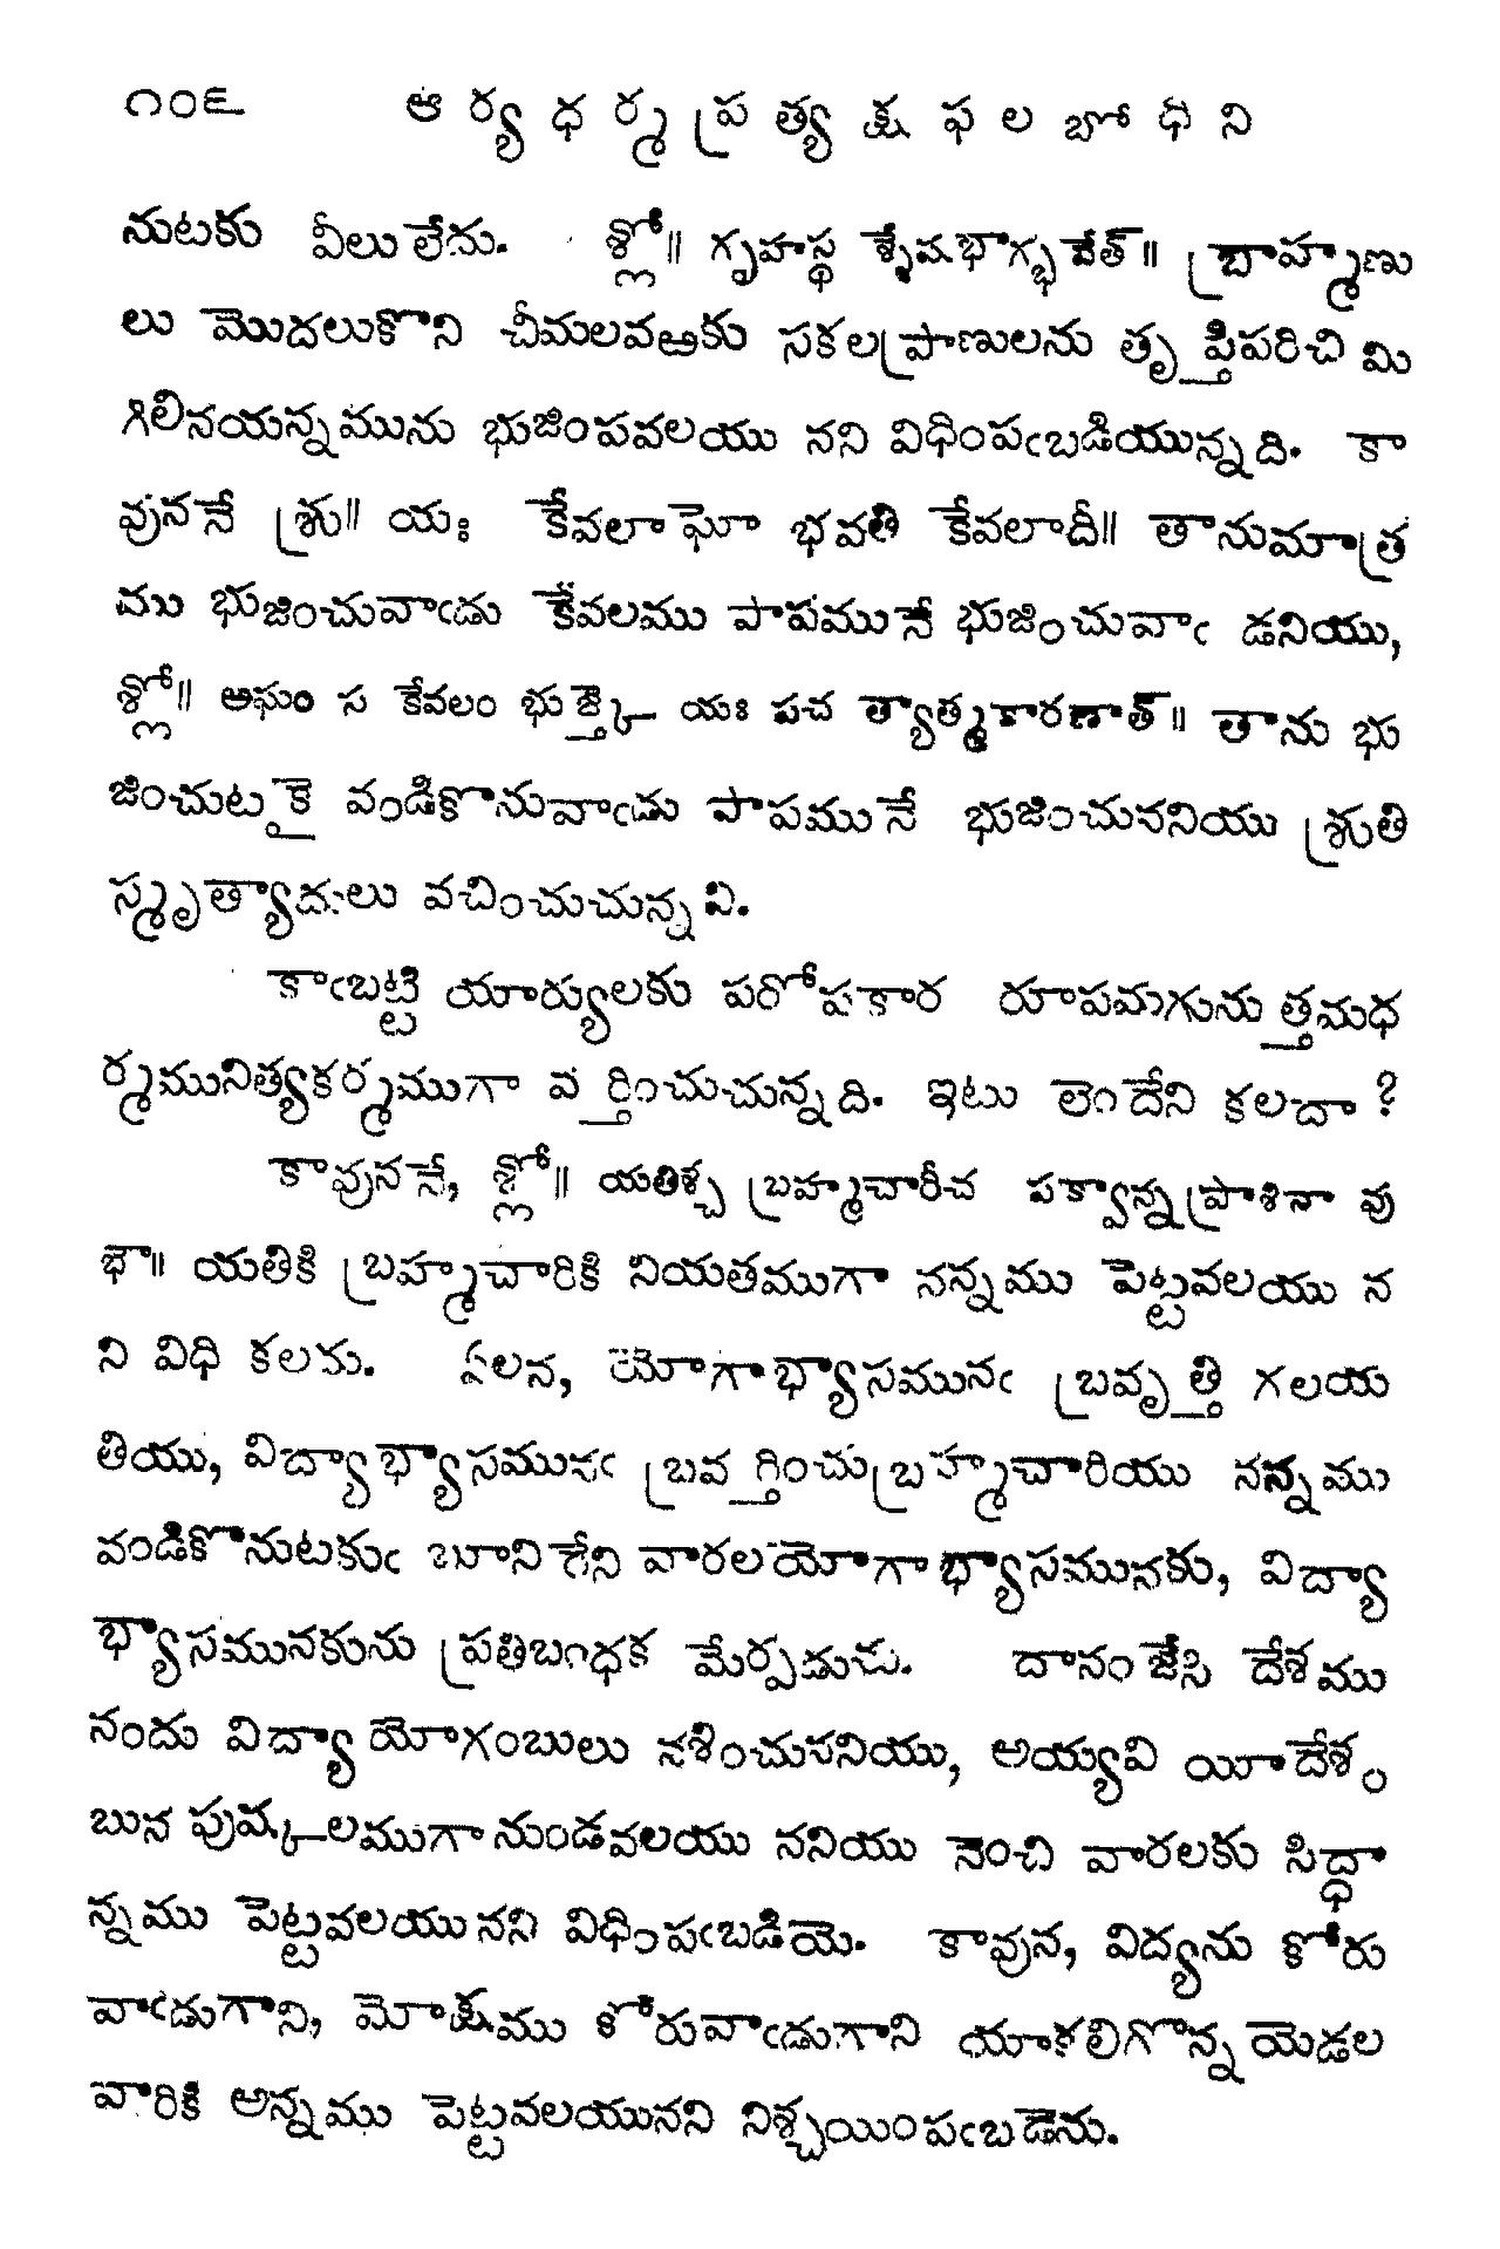నుటకు వీలులేదు. శ్లో॥ గృహస్థ శ్శేషభాగ్భవేత్॥ బ్రాహ్మణులు మొదలుకొని చీమలవఱకు సకలప్రాణులను తృప్తిపరిచి మిగిలినయన్నమును భుజింపవలయు నని విధింపఁబడియున్నది. కావుననే శ్రు॥ యః కేవలాఘో భవతి కేవలాదీ॥ తానుమాత్రము భుజించువాఁడు కేవలము పాపమునే భుజించువాఁ డనియు,
శ్లో॥ అఘం స కేవలం భుజ్త్కె యః పచ త్యాత్మకారణాత్॥ తాను భుజించుటకై వండికొనువాఁడు పాపమునే భుజించుననియు శ్రుతి స్మృత్యాదులు వచించుచున్నవి.

కాఁబట్టి యార్యులకు పరోపకార రూపమగునుత్తమధర్మమునిత్యకర్మముగా వర్తించుచున్నది. ఇటు లెందేని కలదా?

కావుననే, శ్లో॥ యతిశ్చ బ్రహ్మచారీచ పక్వాన్నప్రాశినా వుభౌ॥ యతికి బ్రహ్మచారికి నియతముగా నన్నము పెట్టవలయు నని విధి కలదు. ఏలన, యోగాభ్యాసమునఁ బ్రవృత్తి గలయతియు, విద్యాభ్యాసమునఁ బ్రవర్తించుబ్రహ్మచారియు నన్నము వండికొనుటకుఁ బూనిరేని వారలయోగాభ్యాసమునకు, విద్యాభ్యాసమునకును ప్రతిబంధక మేర్పడును. దానంజేసి దేశమునందు విద్యాయోగంబులు నశించుననియు, అయ్యవి యీదేశంబున పుష్కలముగా నుండవలయు ననియు నెంచి వారలకు
సిద్ధాన్నము పెట్టవలయునని విధింపఁబడియె. కావున, విద్యను కోరువాఁడుగాని, మోక్షము కోరువాఁడుగాని యాకలిగొన్నయెడల వారికి అన్నము పెట్టవలయునని నిశ్చయింపఁబడెను.